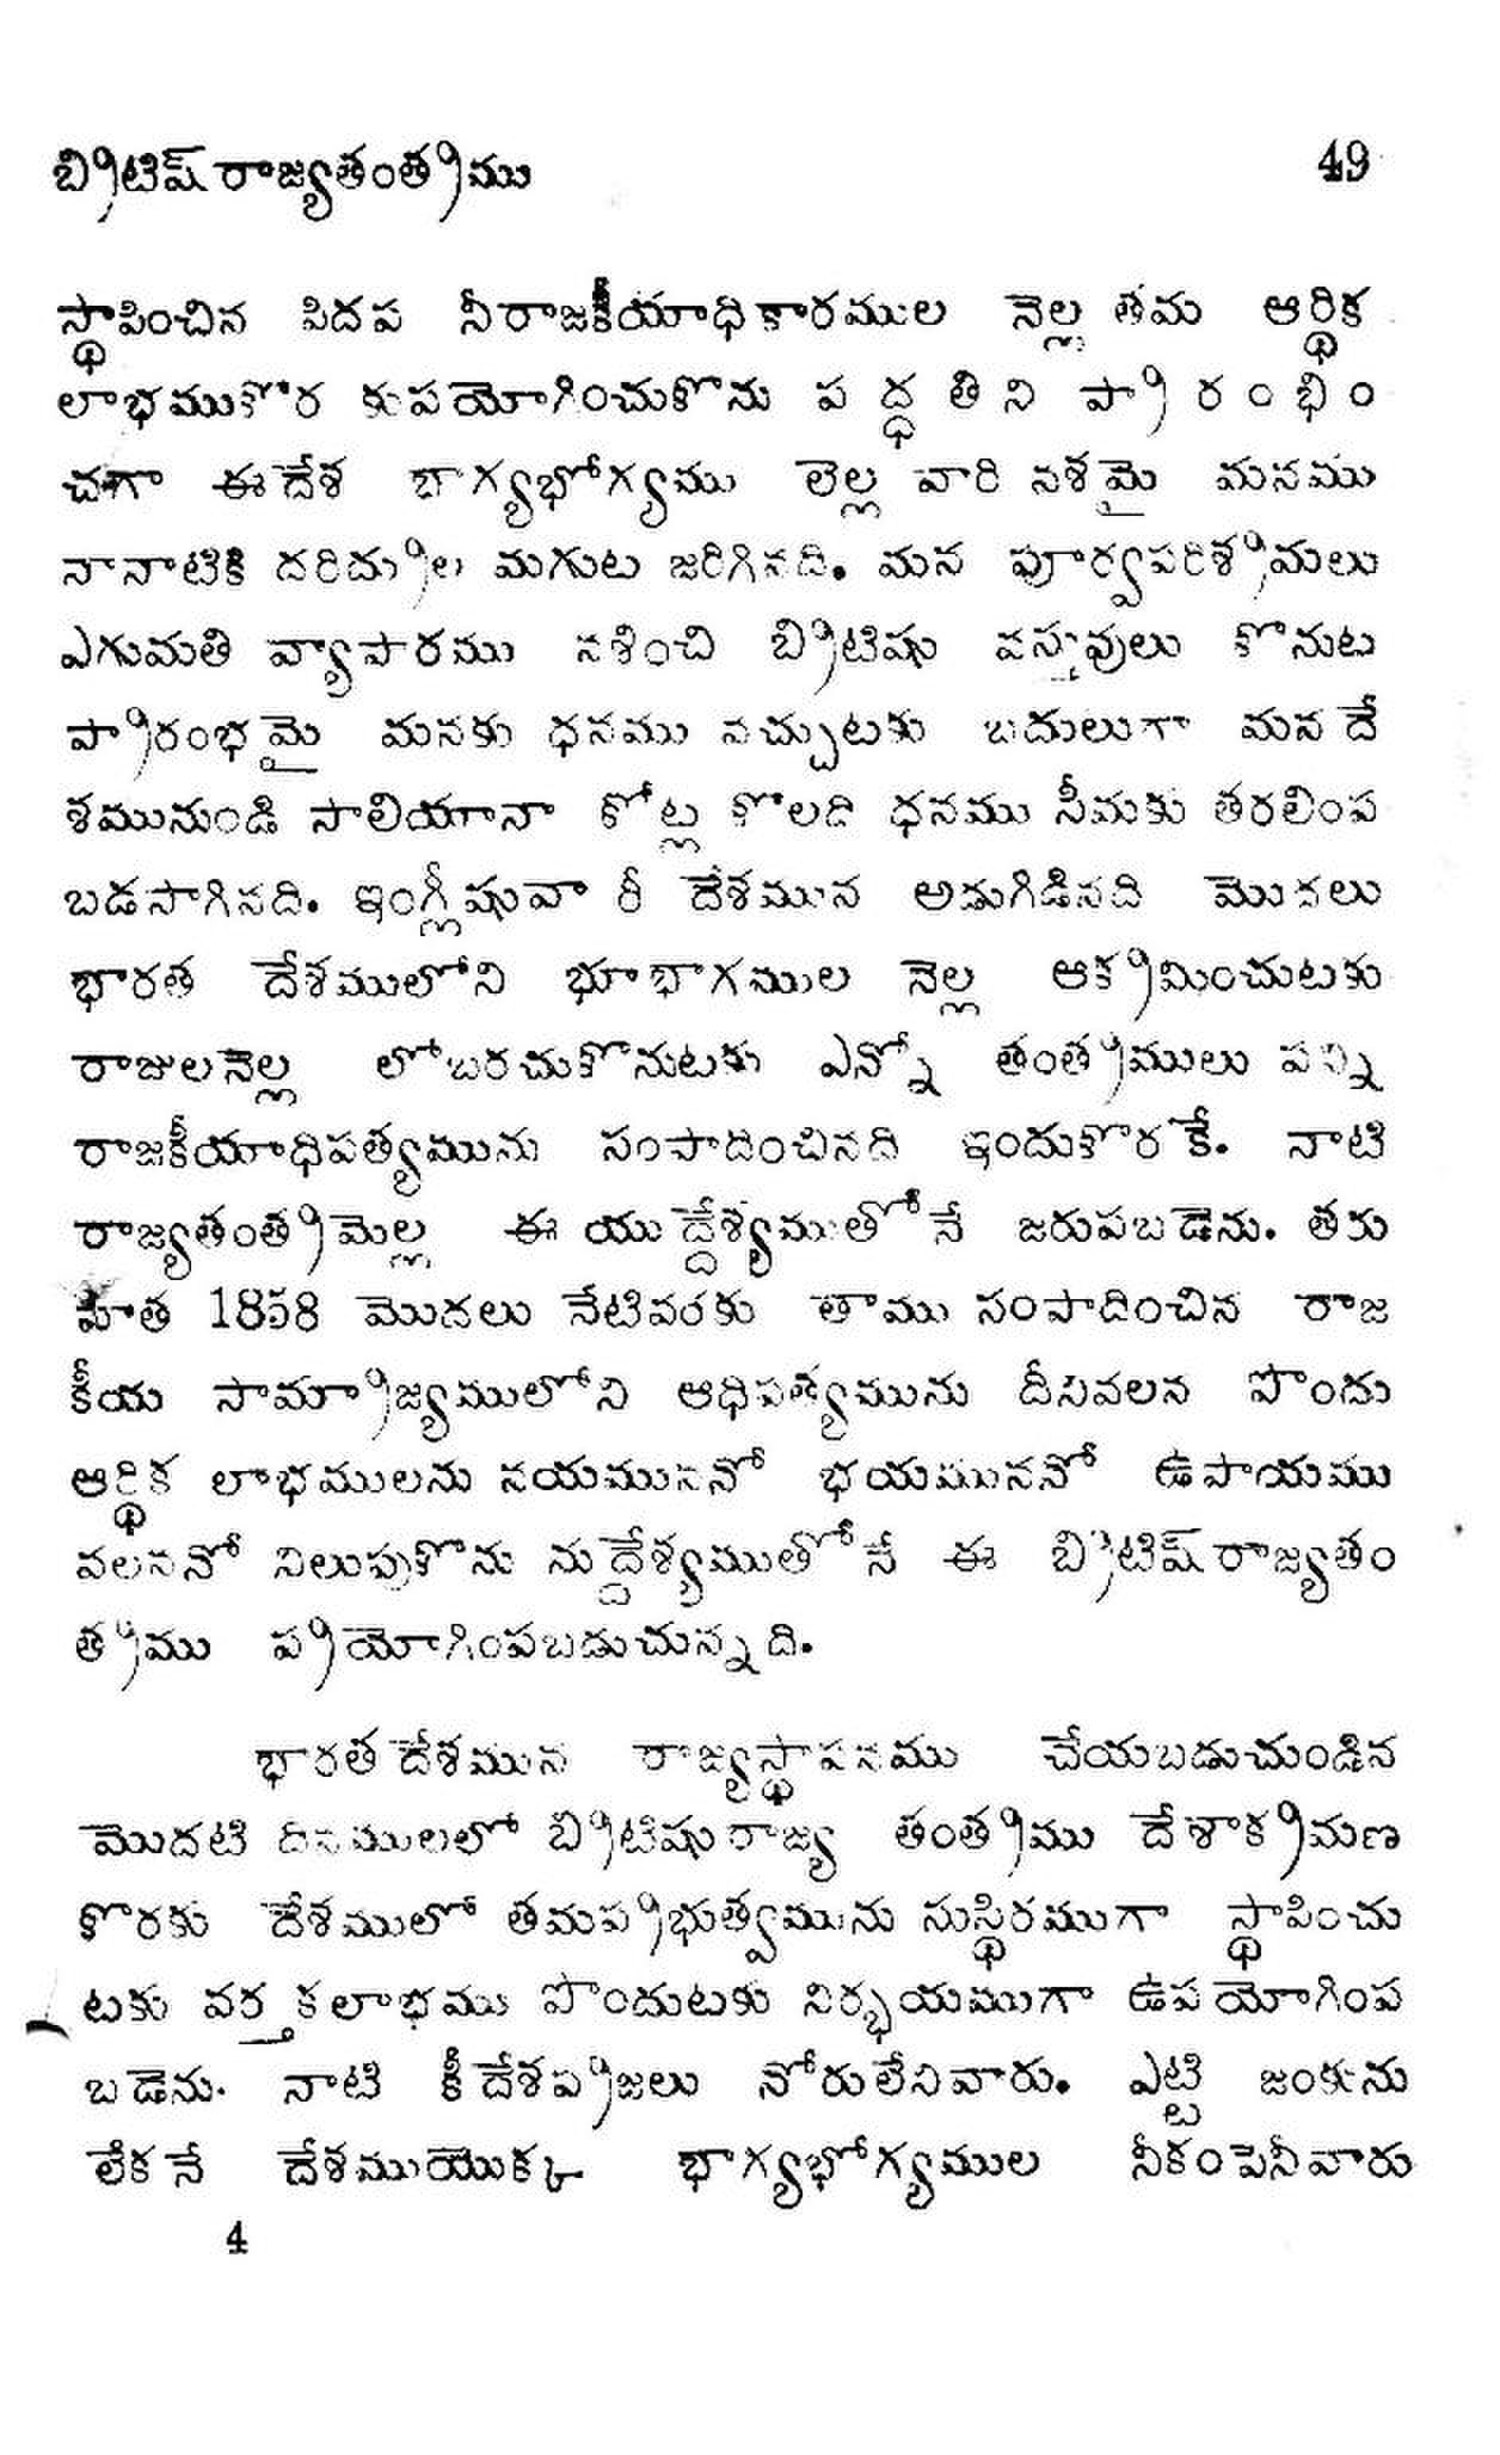స్థాపించిన పిదప నీరాజకీయాధికారముల నెల్ల తమ ఆర్థికలాభముకొర కుపయోగించుకొను పద్దతిని ప్రారంభించగా ఈదేశ భాగ్యభోగ్యము లెల్ల వారి వశమై మనము నానాటికి దరిద్రులు మగుట జరిగినది. మన పూర్వపరిశ్రమలు ఎగుమతి వ్యాపారము నశించి బ్రిటిషు వస్తువులు కొనుట ప్రారంభమై మనకు ధనము వచ్చుటకు బదులుగా మన దేశమునుండి సాలియానా కోట్ల కొలది ధనము సీమకు తరలింపబడసాగినది. ఇంగ్లీషువా రీ దేశమున అడుగిడినది మొదలు
భారత దేశములోని భూభాగముల నెల్ల ఆక్రమించుటకు రాజులనెల్ల లోబరచుకొనుటకు ఎన్నో తంత్రములు పన్ని రాజకీయాధిపత్యమును సంపాదించినది. ఇందుకొరకే. నాటి రాజ్యతంత్రమెల్ల ఈ యుద్దేశ్యముతోనే జరుపబడెను. తరువాత 1858 మొదలు నేటివరకు తాము సంపాదించిన రాజుకీయ సామ్రాజ్యములోని ఆధిపత్యమును దీనివలన పొందు ఆర్థిక లాభములను నయముననో భయముననో ఉపాయము వలననో నిలుపుకొను నుద్దేశ్యముతోనే ఈ బ్రిటిష్ రాజ్యతంత్రము ప్రయోగింపబడుచున్నది.

భారతదేశమున రాజ్యస్థాపనము చేయబడుచుండిన మొదటి దినములలో బ్రిటిషురాజ్య తంత్రము దేశాక్రమణకొరకు దేశములో తమప్రభుత్వమును సుస్థిరముగా స్థాపించుటకు వర్తకలాభము పొందుటకు నిర్భయముగా ఉపయోగింపబడెను. నాటి కీదేశప్రజలు నోరులేనివారు. ఎట్టి జంకును లేకనే దేశముయొక్క భాగ్యభోగ్యముల నీకంపెనీవారు